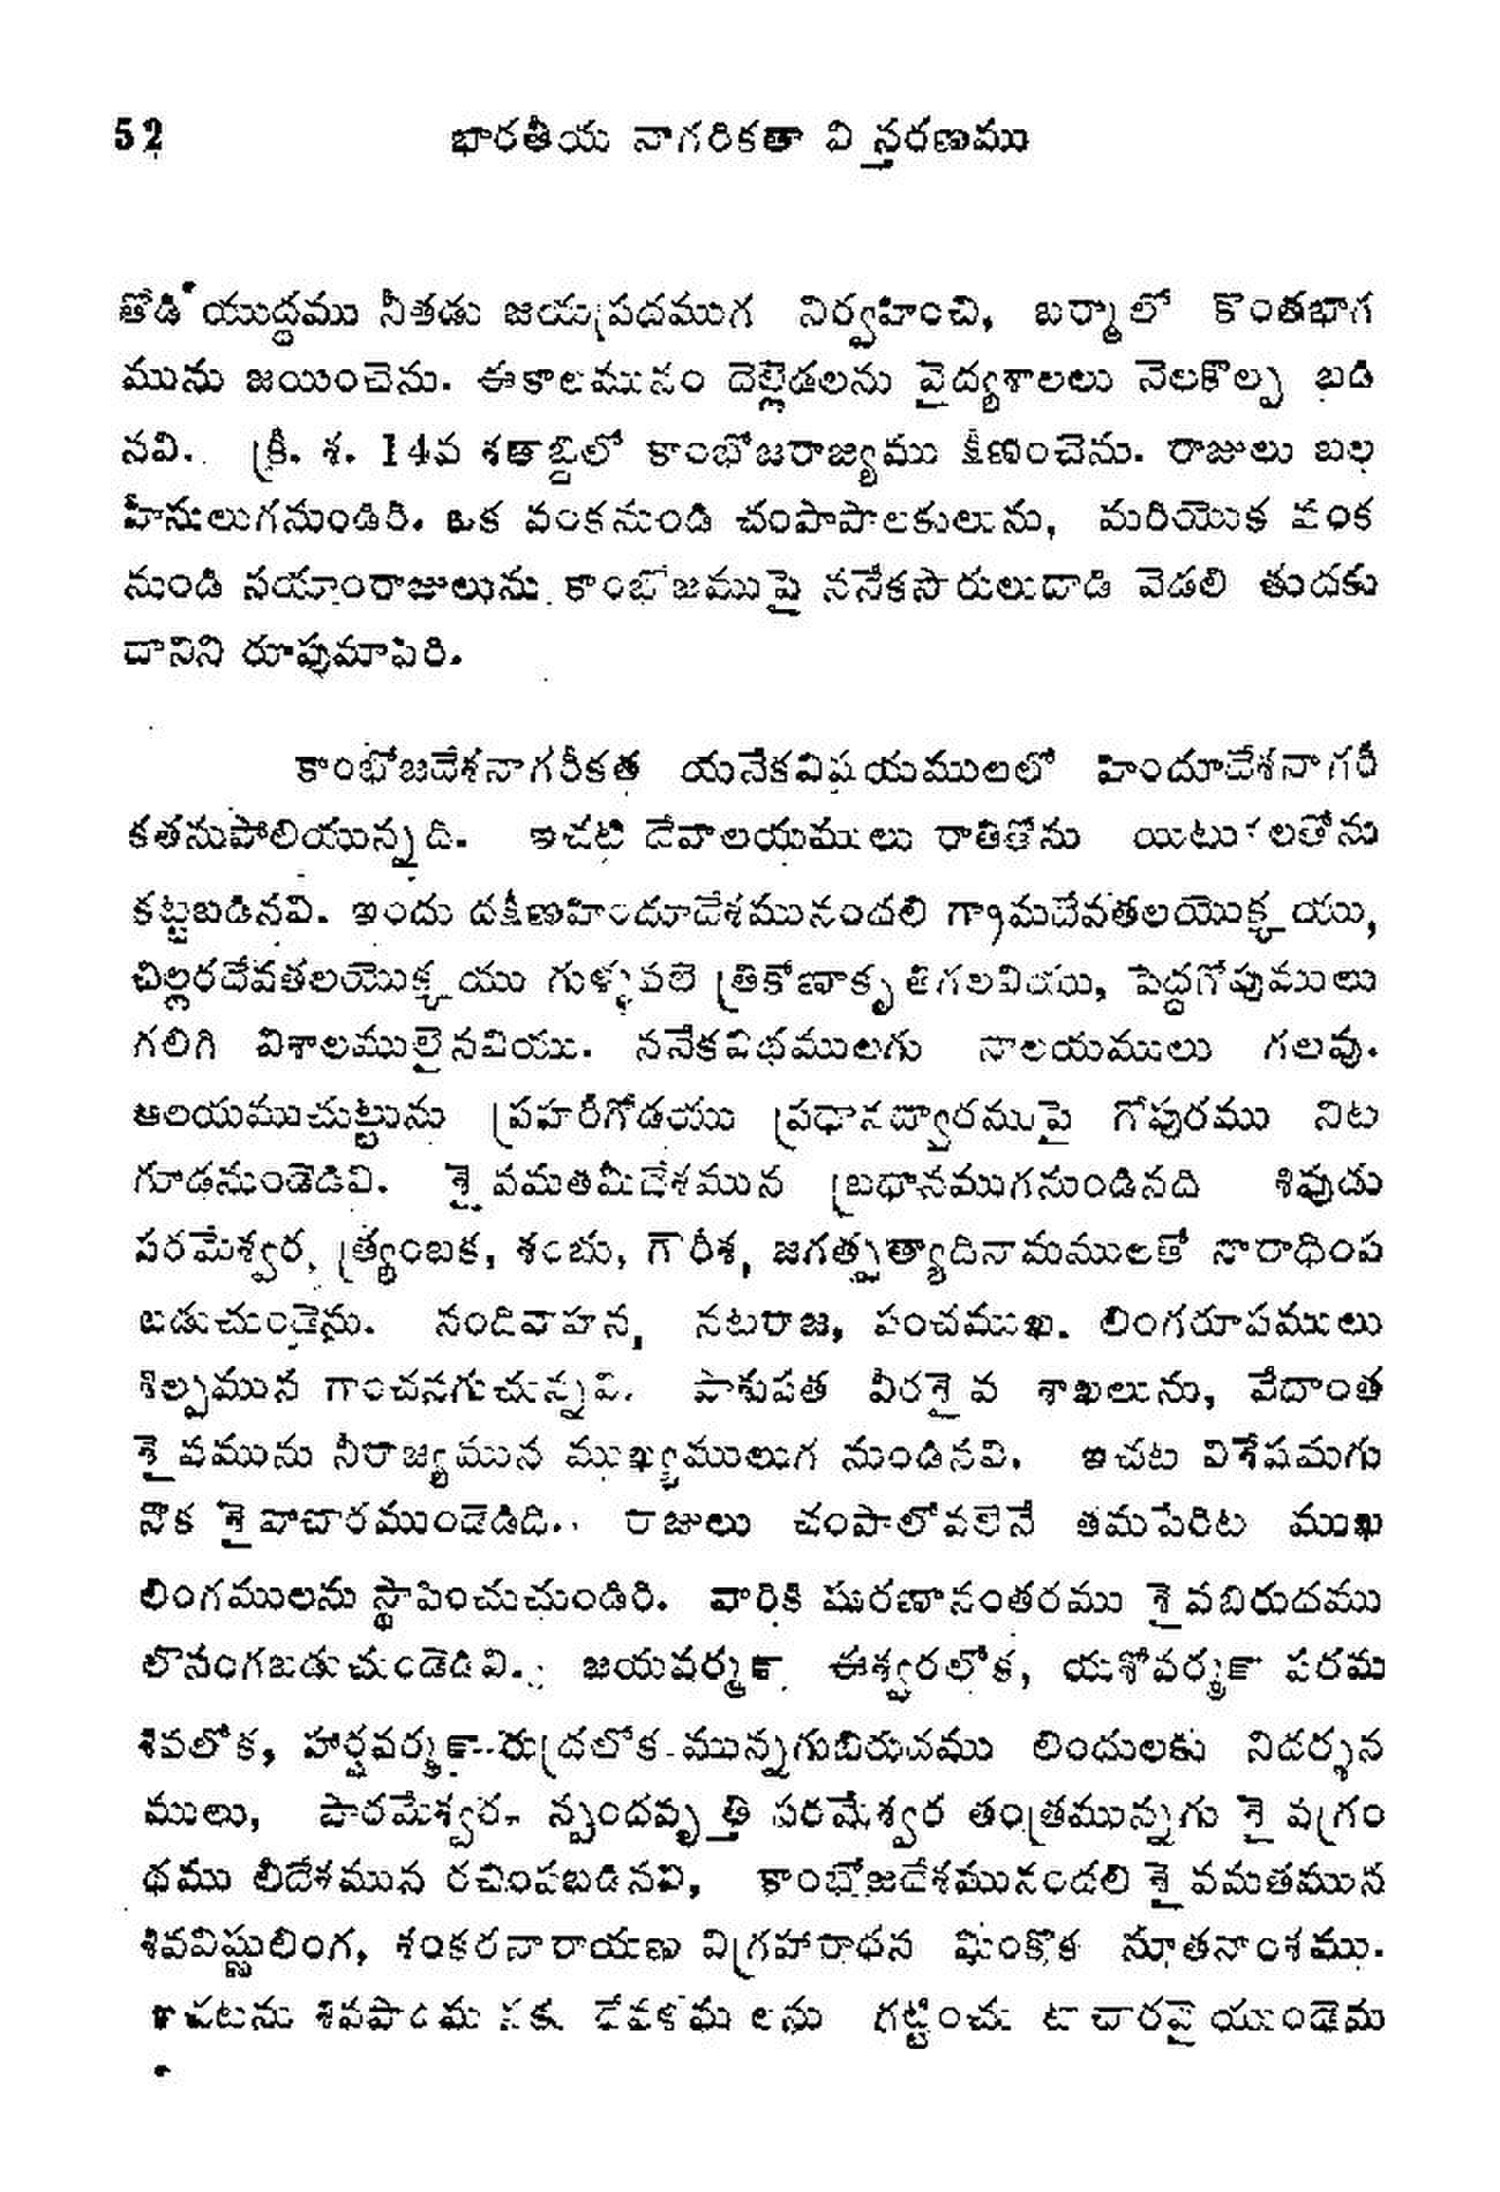తోడి యుద్ధము నీతడు జయప్రదముగ నిర్వహించి, బర్మాలో కొంతభాగమును జయించెను. ఈకాలమునం దెల్లెడలను వైద్యశాలలు నెలకొల్పి బడినవి. క్రీ. శ. 14 వ శతాబ్దిలో కాంభోజరాజ్యము క్షీణించెను. రాజులు బలహీనులుగనుండిరి. ఒక వంకనుండి చంపాపాలకులును, మరియొక వంకనుండి నయాంరాజులును కాంభోజముపై ననేకసారులుదాడి వెడలి తుదకు దానిని రూపుమాపిరి.

కాంభోజదేశనాగరీకత యనేకవిషయములలో హిందూదేశనాగరీకతను పోలియున్నది. ఇచటి దేవాలయములు రాతితోను యిటుకలతోను కట్టబడినవి. ఇందు దక్షిణహిందూదేశమునందలి గ్రామదేవతలయొక్కయు, చిల్లరదేవతలయొక్కయు గుళ్ళవలె త్రికోణాకృతిగలవియు, పెద్దగోపురములు గలిగి విశాలములైనవియు, ననేకవిథములగు నాలయములు గలవు. ఆలయముచుట్టును ప్రహరీగోడయు ప్రధానద్వారముపై గోపురము నిటగూడనుండెడివి. శైవమతమీదేశమున బ్రధానముగనుండినది. శివుడు, పరమేశ్వర, త్ర్యంబక, శంభు, గౌరీశ, జగత్పత్యాదినామములతో నారాధింపబడుచుండెను. నందివాహన, నటరాజ, పంచముఖ - లింగరూపములు శిల్పమున గాంచనగుచున్నది. పాశుపత వీరశైవ శాఖలును, వేదాంత శైవమును నీరాజ్యమున ముఖ్యములుగ నుండినవి. ఇచట విశేషమగు నొక శైవాచారముండెడిది. రాజులు చంపాలోవలెనే తమపేరిట ముఖలింగములను స్థాపించుచుండిరి. వారికి మరణానంతరము శైవబిరుదము లొసంగబడుచుండెడివి. జయవర్మన్, ఈశ్వరలోక, యశోవర్మన్ పరమశివలోక, హార్షవర్మన్-రుద్రలోక మున్నగుబిరుదము లిందులకు నిదర్శనములు. పారమేశ్వర - స్పందవృత్తి పరమేశ్వర తంత్రమున్నగు శైవగ్రంథము లీదేశమున రచింపబడినవి. కాంభోజదేశమునందలి శైవమతమున శివవిష్ణులింగ, శంకరనారాయణ విగ్రహారాధన మింకొక నూతనాంశము. ఇచటను శివపాదమునకు దేవళములను గట్టించు టాచారమైయుండెను.